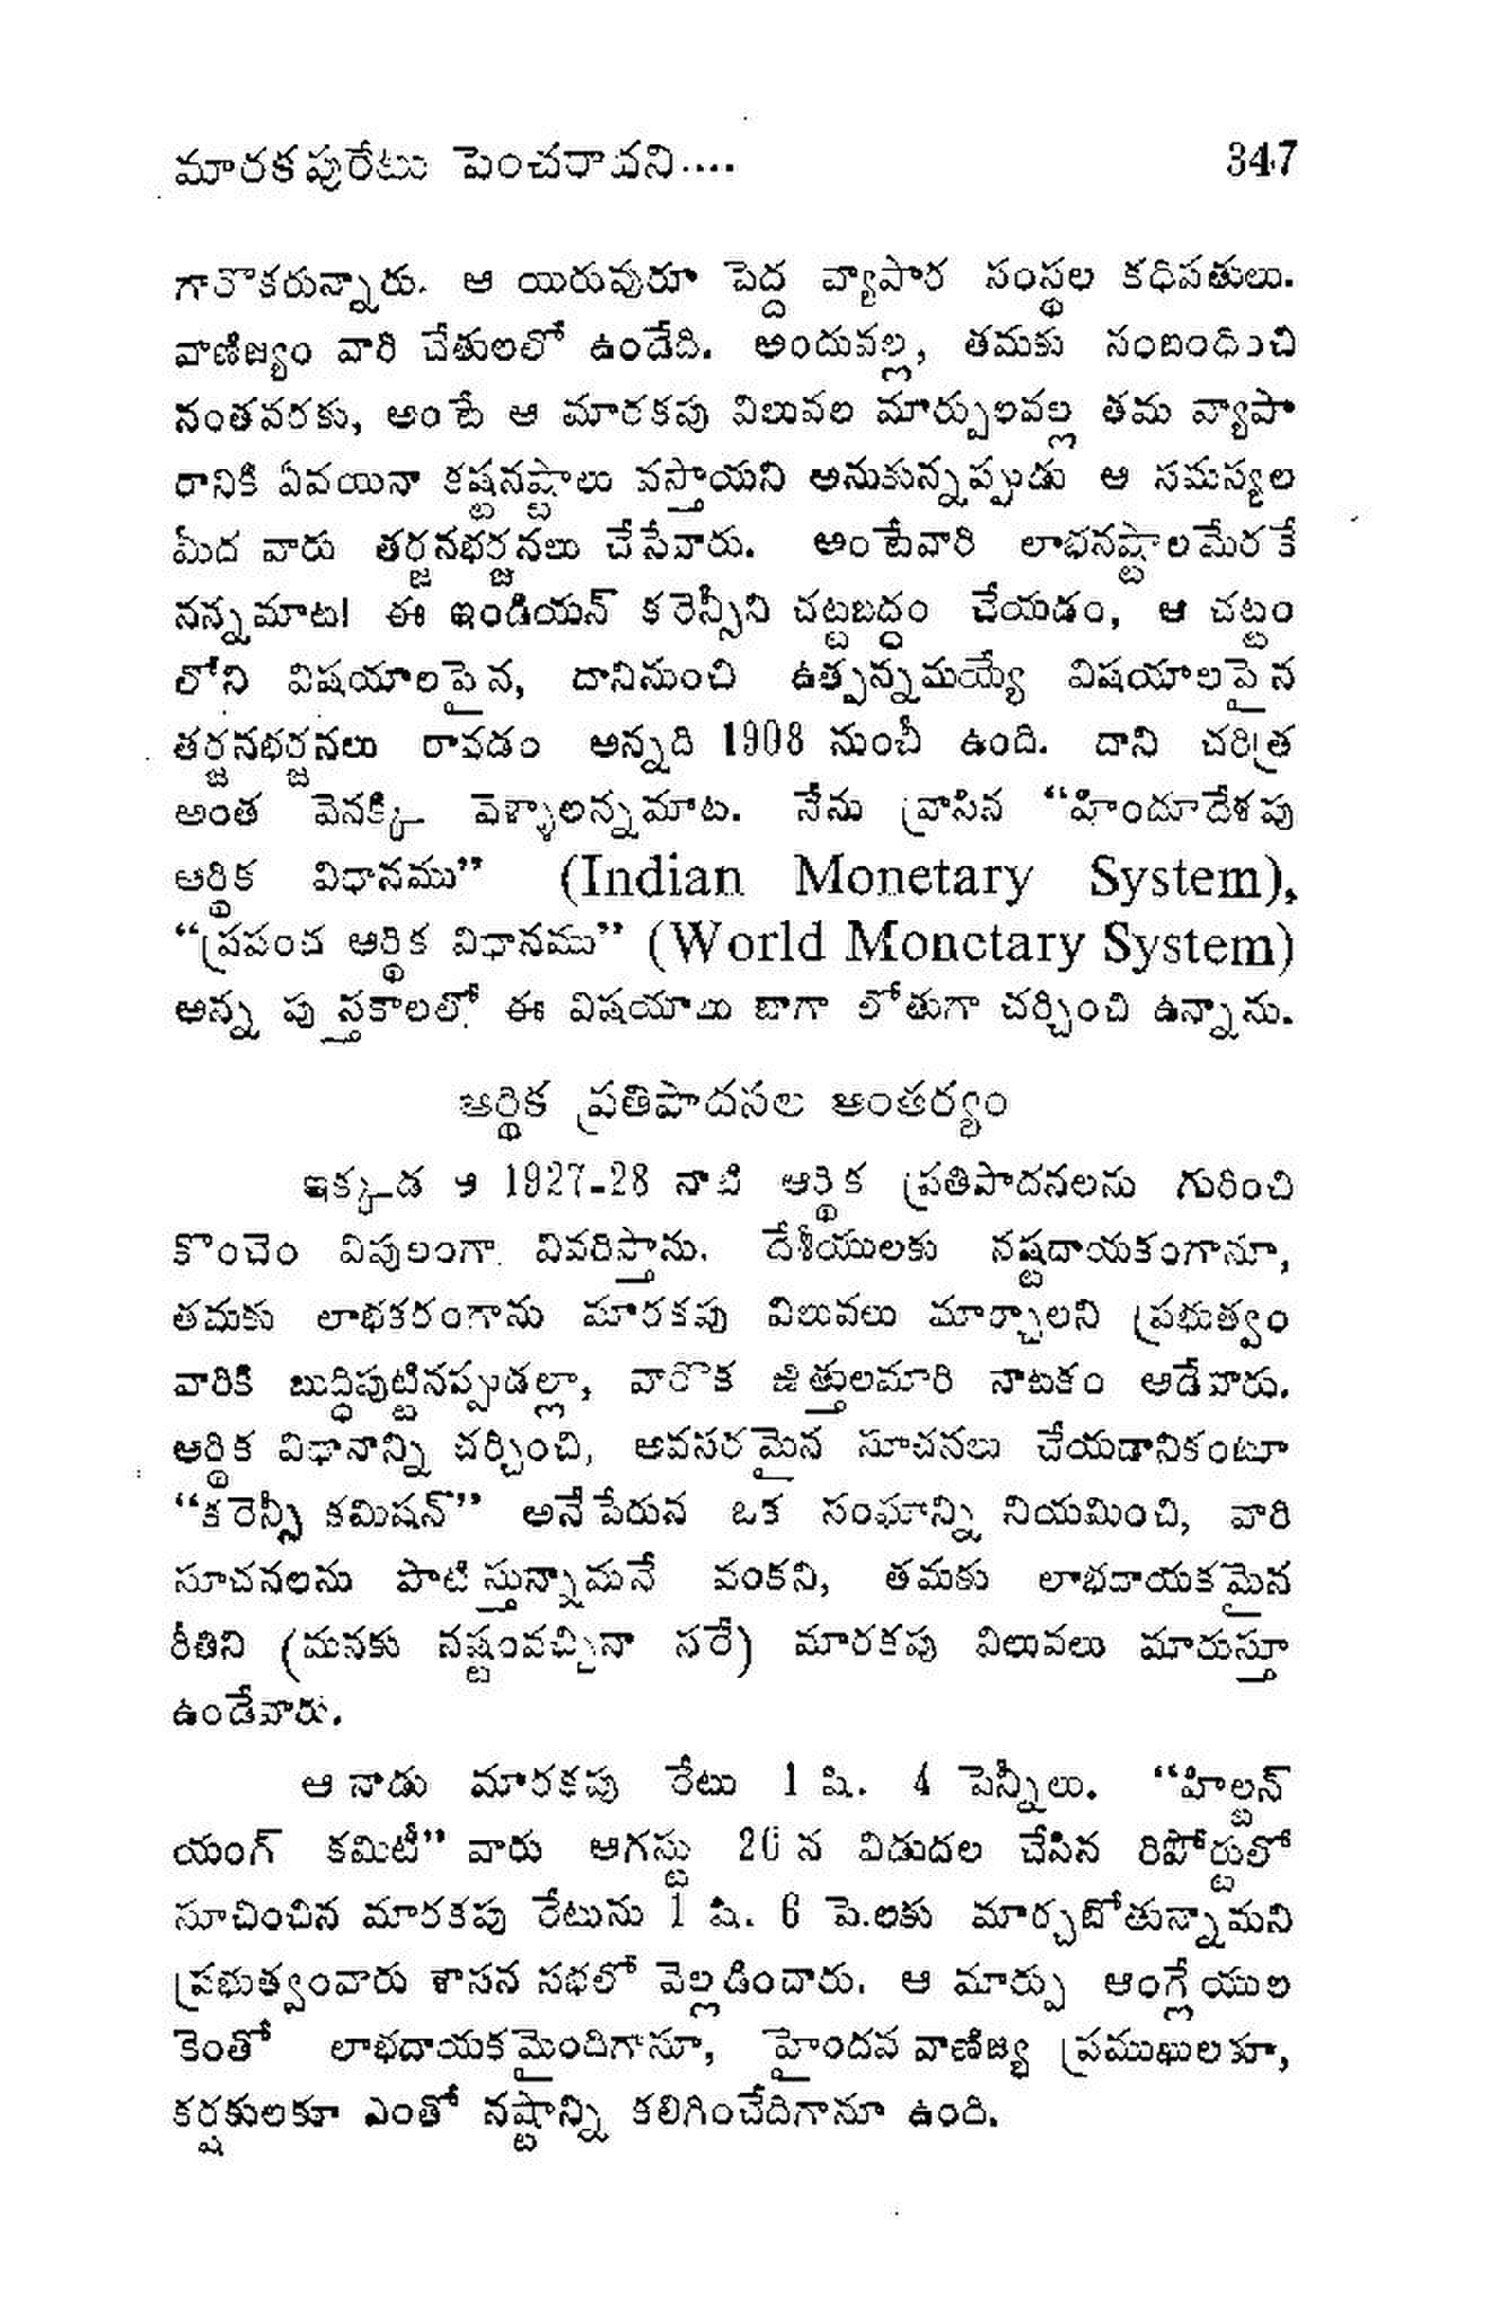గారొకరున్నారు. ఆ యిరువురూ పెద్ద వ్యాపార సంస్థల కధిపతులు. వాణిజ్యం వారి చేతులలో ఉండేది. అందువల్ల, తమకు సంబంధించినంతవరకు, అంటే ఆ మారకపు విలువలు మార్పులవల్ల తమ వ్యాపారానికి ఏవయినా కష్టనష్టాలు వస్తాయని అనుకున్నప్పుడు ఆ సమస్యలమీద వారు తర్జన భర్జనలు చేసేవారు. అంటేవారి లాభనష్టాలమేరకే నన్నమాట! ఆ ఇండియన్ కరెన్సీని చట్టబద్ధం చేయడం, ఆ చట్టంలోని విషయాలపైన, దానినుంచి ఉత్పన్నమయ్యే విషయాలపైన తర్జనభర్జనలు రావడం అన్నది 1908 నుంచీ ఉంది. దాని చరిత్ర అంత వెనక్కి వెళ్ళాలన్నమాట. నేను వ్రాసిన "హిందూదేశపు ఆర్థిక విధానము" (Indian Monetary System), "ప్రపంచ ఆర్థిక విధానము" (World Monetary System) అన్న పుస్తకాలలో ఈ విషయాలు బాగా లోతుగా చర్చించి ఉన్నాను.

ఇక్కడ ఆ 1927-28 నాటి ఆర్హిక ప్రతిపాదనలను గురించి కొంచెం విపులంగా వివరిస్తాను. దేశీయులకు నష్టదాయకంగానూ, తమకు లాభకరంగాను మారకపు విలువలు మార్చాలని ప్రభుత్వం వారికి బుద్దిపుట్టినప్పుడల్లా, వారొక జిత్తులమారి నాటకం ఆడేవారు. ఆర్థిక విధానాన్ని చర్చించి, అవసరమైన సూచనలు చేయడానికంటూ "కరెన్సీ కమిషన్" అనేపేరున ఒక సంఘాన్ని నియమించి, వారి సూచనలను పాటిస్తున్నామనే వంకని, తమకు లాభదాయకమైన రీతిని (మనకు నష్టంవచ్చినా సరే) మారకపు విలువలు మారుస్తూ ఉండేవారు.

ఆ నాడు మారకపు రేటు 1షి. 4పెన్నీలు. "హిల్టన్ యంగ్ కమిటీ" వారు ఆగష్టు 20 న విడుదల చేసిన రిపోర్టులో సూచించిన మారకపు రేటును 1షి. 6 పె.లకు మార్చబోతున్నామని ప్రభుత్వంవారు శాసన సభలో వెల్లడించారు. ఆ మార్పు ఆంగ్లేయుల కెంతో లాభదాయకమైందిగానూ, హైందవ వాణిజ్య ప్రముఖులకూ, కర్షకులకూ ఎంతో నష్టాన్ని కలిగించేదిగానూ ఉంది.